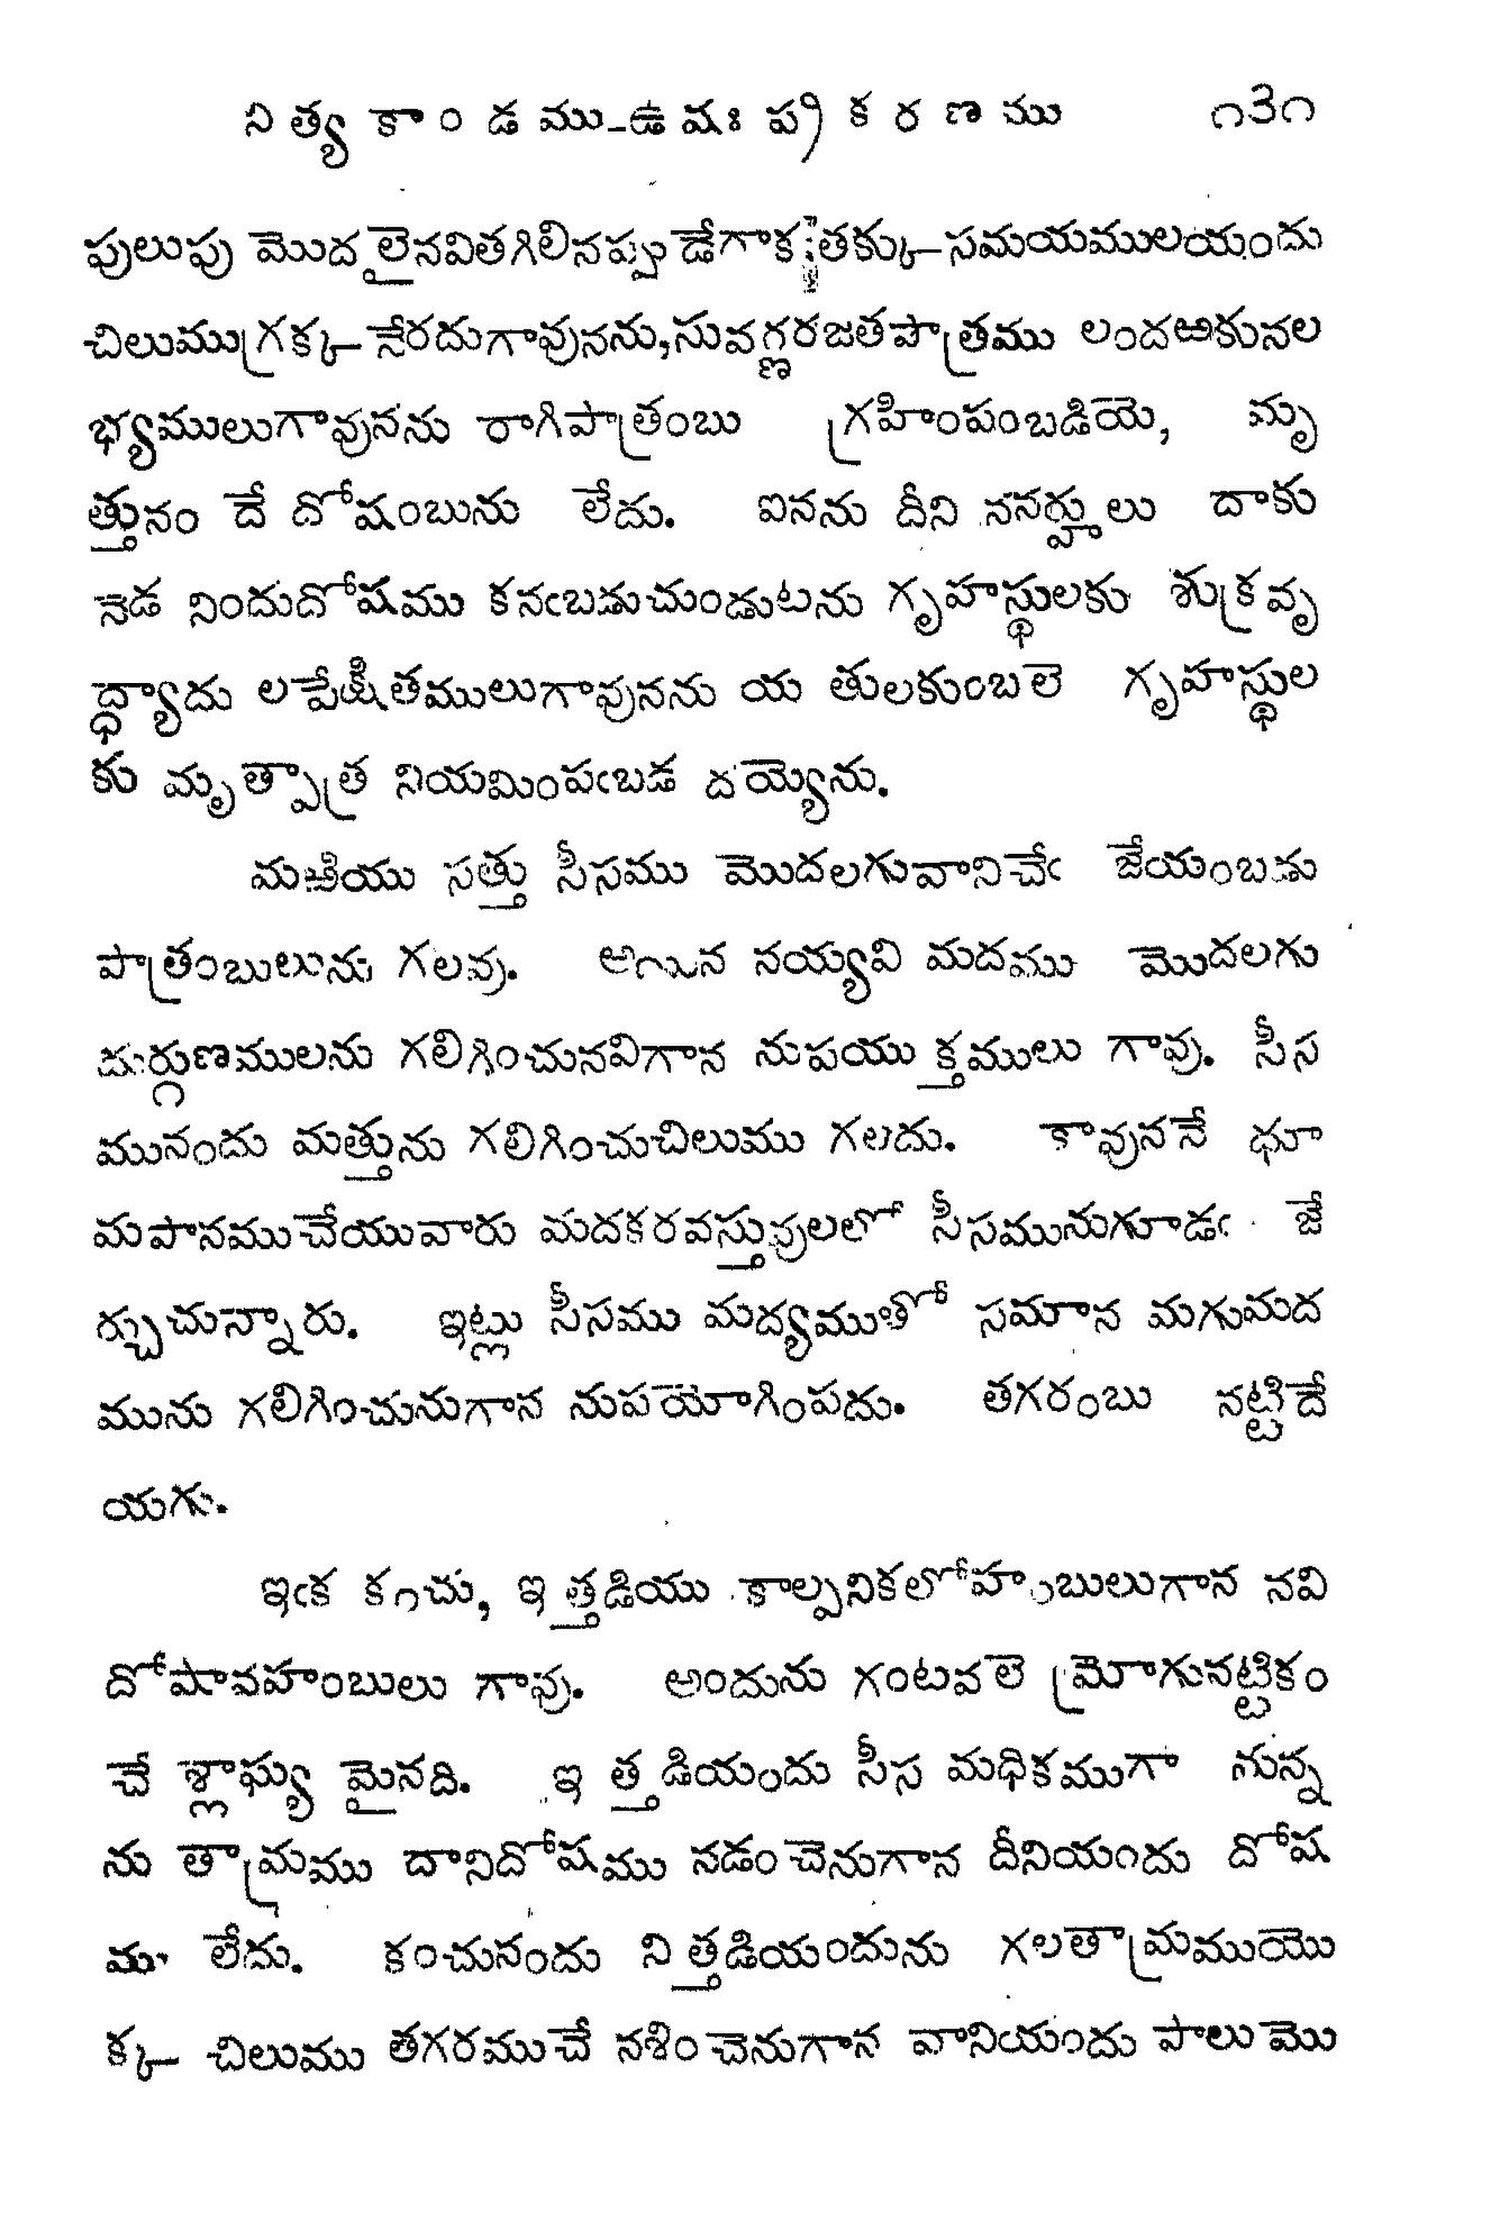పులుపు మొదలైనవితగిలినప్పుడేగాక తక్కుసమయములయందు చిలుముగ్రక్కనేరదుగావునను, సువర్ణరజతపాత్రము లందఱకునలభ్యములుగావునను రాగిపాత్రంబు గ్రహింపబడియె, మృత్తునం దే దోషంబును లేదు. ఐనను దీని ననర్హులు దాకునెడ నిందుదోషము కనఁబడుచుండుటను గృహస్థులకు శుక్రవృద్ధ్యాదు లపేక్షితములుగావునను య తులకుంబలె గృహస్థులకు మృత్పాత్ర నియమింపఁబడ దయ్యెను.

మఱియు సత్తు సీసము మొదలగువానిచేఁ జేయంబడు పాత్రంబులును గలవు. అయిన నయ్యవి మదము మొదలగు దుర్గుణములను గలిగించునవిగాన నుపయుక్తములు గావు. సీసమునందు మత్తును గలిగించుచిలుము గలదు. కావుననే ధూమపానముచేయువారు మదకరవస్తువులలో సీసమునుగూడఁ జేర్చుచున్నారు. ఇట్లు సీసము మద్యముతో సమాన మగుమదమును గలిగించునుగాన నుపయోగింపదు.
తగరంబు నట్టిదే యగు.

ఇఁక కంచు, ఇత్తడియు కాల్పనికలోహంబులుగాన నవి దోషావహంబులు గావు. అందును గంటవలె మ్రోగునట్టికంచే శ్లాఘ్య మైనది. ఇత్తడియందు సీస మధికముగా నున్నను తామ్రము దానిదోషము నడంచెనుగాన దీనియందు దోషము లేదు. కంచునందు నిత్తడియందును గలతామ్రముయొక్క చిలుము తగరముచే నశించెనుగాన వానియందు పాలు మొ